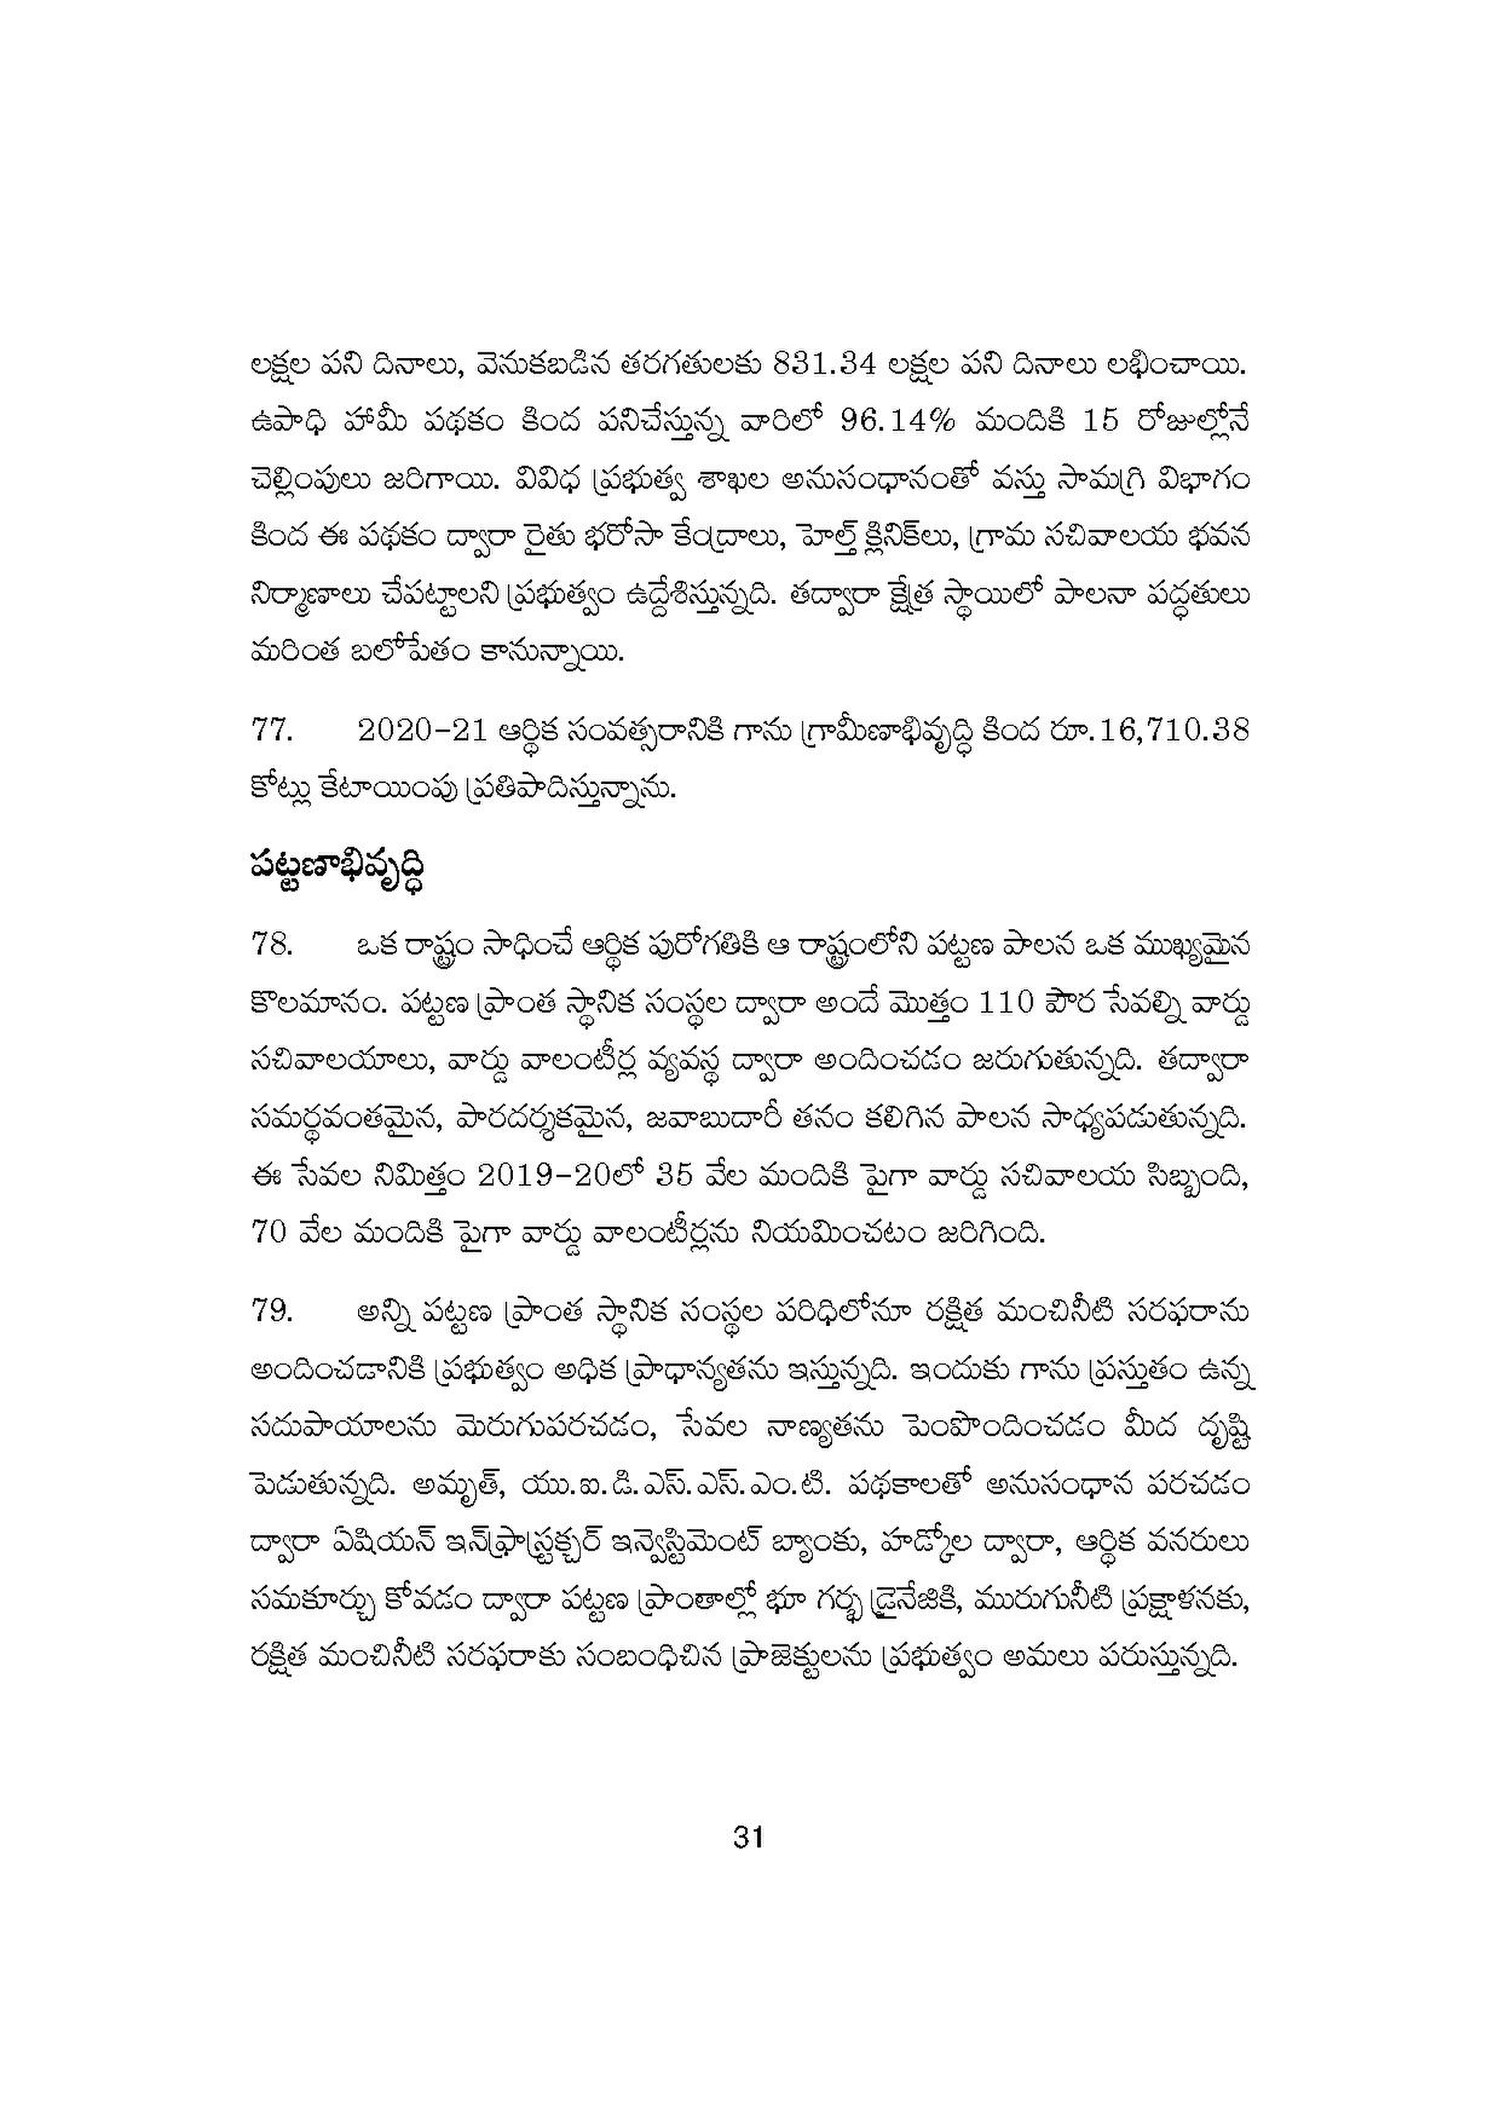లక్షల పని దినాలు, వెనుకబడిన తరగతులకు 831.34 లక్షల పని దినాలు లభించాయి. ఉపాధి హామీ పథకం కింద పనిచేస్తున్న వారిలో 96.14% మందికి 15 రోజుల్లోనే చెల్లింపులు జరిగాయి. వివిధ ప్రభుత్వ శాఖల అనుసంధానంతో వస్తు సామగ్రి విభాగం కింద ఈ పథకం ద్వారా రైతు భరోసా కేంద్రాలు, హెల్త్ క్లినిక్లు, గ్రామ సచివాలయ భవన నిర్మాణాలు చేపట్టాలని ప్రభుత్వం ఉద్దేశిస్తున్నది. తద్వారా క్షేత్ర స్థాయిలో పాలనా పద్ధతులు మరింత బలోపేతం కానున్నాయి. 

77. 2020-21 ఆర్థిక సంవత్సరానికి గాను గ్రామీణాభివృద్ధి కింద రూ.16,710.38 కోట్లు కేటాయింపు ప్రతిపాదిస్తున్నాను. 

పట్టణాభివృద్ధి 

78. ఒక రాష్ట్రం సాధించే ఆర్థిక పురోగతికి ఆ రాష్ట్రంలోని పట్టణ పాలన ఒక ముఖ్యమైన కొలమానం. పట్టణ ప్రాంత స్థానిక సంస్థల ద్వారా అందే మొత్తం 110 పౌర సేవల్ని వార్డు సచివాలయాలు, వార్డు వాలంటీర్ల వ్యవస్థ ద్వారా అందించడం జరుగుతున్నది. తద్వారా సమర్థవంతమైన, పారదర్శకమైన, జవాబుదారీ తనం కలిగిన పాలన సాధ్యపడుతున్నది. ఈ సేవల నిమిత్తం 2019-20లో 35 వేల మందికి పైగా వార్డు సచివాలయ సిబ్బంది, 70 వేల మందికి పైగా వార్డు వాలంటీర్లను నియమించటం జరిగింది. 

79. అన్ని పట్టణ ప్రాంత స్థానిక సంస్థల పరిధిలోనూ రక్షిత మంచినీటి సరఫరాను అందించడానికి ప్రభుత్వం అధిక ప్రాధాన్యతను ఇస్తున్నది. ఇందుకు గాను ప్రస్తుతం ఉన్న సదుపాయాలను మెరుగుపరచడం, సేవల నాణ్యతను పెంపొందించడం మీద దృష్టి పెడుతున్నది. అమృత్, యు.ఐ. డి.ఎస్.ఎస్.ఎం.టి. పథకాలతో అనుసంధాన పరచడం ద్వారా ఏషియన్ ఇన్‌ఫ్రాస్ట్రక్చర్ ఇన్వెస్టిమెంట్ బ్యాంకు, హడ్కోల ద్వారా, ఆర్థిక వనరులు సమకూర్చుకోవడం ద్వారా పట్టణ ప్రాంతాల్లో భూ గర్భ డ్రైనేజికి, మురుగునీటి ప్రక్షాళనకు, రక్షిత మంచినీటి సరఫరాకు సంబంధిచిన ప్రాజెక్టులను ప్రభుత్వం అమలు పరుస్తున్నది.